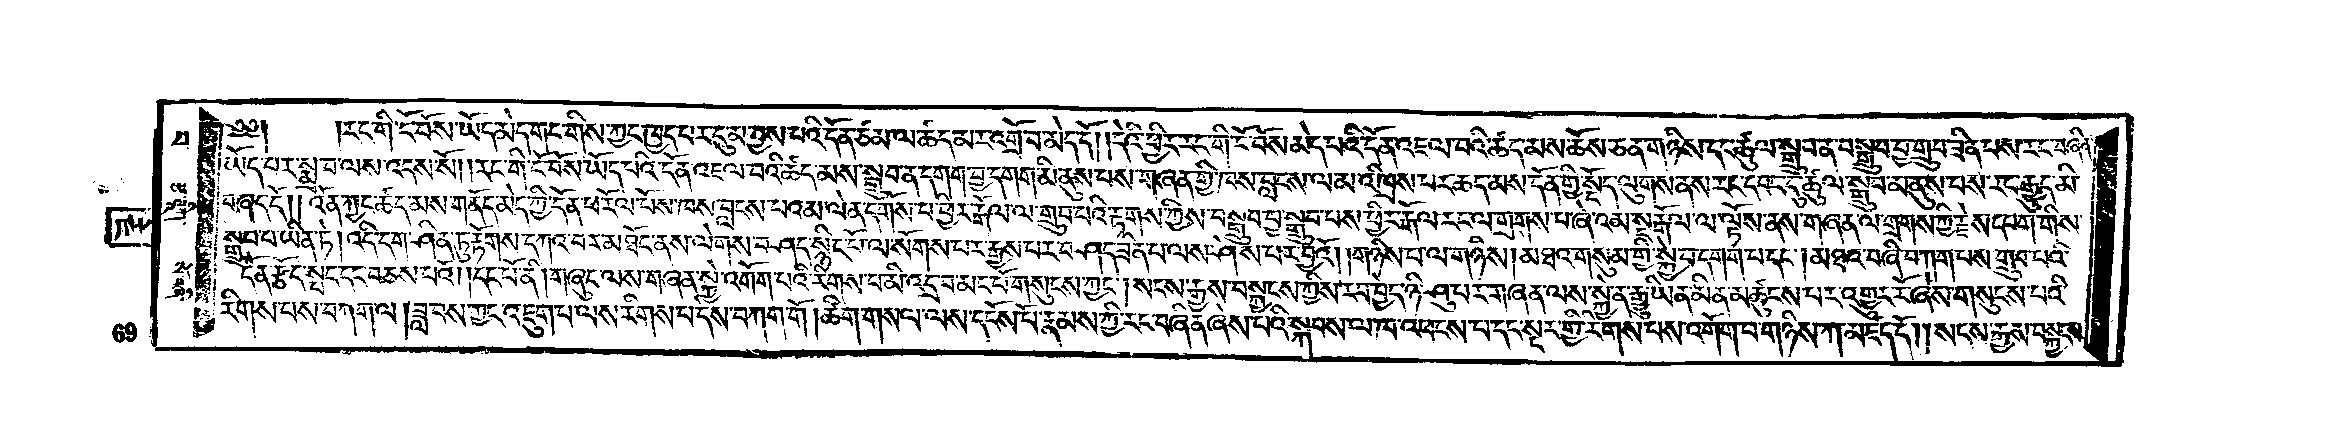༄༅། །རང་གི་ངོ་བོས་ཡོད་མེད་གང་གིས་ཀྱང་ཁྱད་པར་དུ་མ་བྱས་པའི་དོན་ཙམ་ལ་ཚད་མར་འགྲོ་བ་མེད་དོ། །དེའི་ཕྱིར་རང་གི་ངོ་བོས་མེད་པའི་དོན་འཇལ་བའི་ཆད་མས་ཆོས་ཅན་གཉིས་དང་ཚུལ་སྒྲུབ་ན་བསྒྲུབ་བྱ་གྲུབ་ཟིན་པས་རང་བཞིན་
ཡོད་པར་སྨྲ་བ་ལས་འདས་སོ། །རང་གི་ངོ་བོས་ཡོད་པའི་དོན་འཇལ་བའི་ཚད་མས་སྒྲུབ་ན་དགག་བྱ་དགག་མི་ནུས་པས་གཞན་གྱི་ཁས་བླངས་ལ་མ་འཁྲིས་པར་ཚད་མས་དོན་གྱི་སྡོད་ལུགས་ནས་རང་དབང་དུ་ཚུལ་སྒྲུབ་མ་ནུས་པས་ངང་རྒྱུད་མི་
བཞེད་དོ། །འོན་ཀྱང་ཚད་མས་གནོད་མེད་ཀྱི་དོན་ཕ་རོལ་པོས་ཁས་བླངས་པའམ་ལེན་དགོས་པ་ཕྱིར་རྒོལ་ལ་གྲུབ་པའི་རྟགས་ཀྱིས་བསྒྲུབ་བྱ་སྒྲུབ་པས་ཕྱིར་རྒོལ་རང་ལ་གྲགས་པ་ཞེའམ་སྔ་རྒོལ་ལ་ལྟོས་ནས་གཞན་ལ་གྲགས་ཀྱི་རྗེས་དཔག་གིས་
སྒྲུབ་པ་ཡིན་ཏེ། འདི་དག་ཤིན་ཏུ་རྟོགས་དཀའ་བར་མཐོང་ནས་ལེགས་བཤད་སྙིང་པོ་ལ་སོགས་པར་རྒྱས་པར་བཤད་ཟིན་པ་ལས་ཤེས་པར་བྱའོ། །གཉིས་པ་ལ་གཉིས། མཐའ་གསུམ་གྱི་སྐྱེ་བ་དགག་པ་དང་། མཐའ་བཞི་བཀག་པས་གྲུབ་པའི་
དོན་རྩོད་སྤང་དང་བཅས་པའོ། །དང་པོ་ནི། གཞུང་ལས་གཞན་སྐྱེ་འགོག་པའི་རིགས་པ་མི་འདྲ་བ་མང་པོ་གསུངས་ཀྱང་། སངས་རྒྱས་བསྐྱངས་ཀྱིས་རབ་བྱེད་ཉི་ཤུ་པར་གཞན་ལས་སྐྱེ་ན་རྒྱུ་ཡིན་མིན་མཚུངས་པར་འགྱུར་རོ་ཞེས་གསུངས་པའི་
རིགས་པས་བཀག་ལ། ཟླ་བས་ཀྱང་འཇུག་པ་ལས་རིགས་པ་དེས་བཀག་གོ། ཚིག་གསལ་ལས་དངོས་པོ་རྣམས་ཀྱི་རང་བཞིན་ཞེས་པའི་སྐབས་ལ་ཁ་འཕངས་པ་དང་སྔར་གྱི་རིགས་པས་འགོག་པ་གཉིས་ཀ་མཛད་དོ། །སངས་རྒྱས་བསྐྱངས་